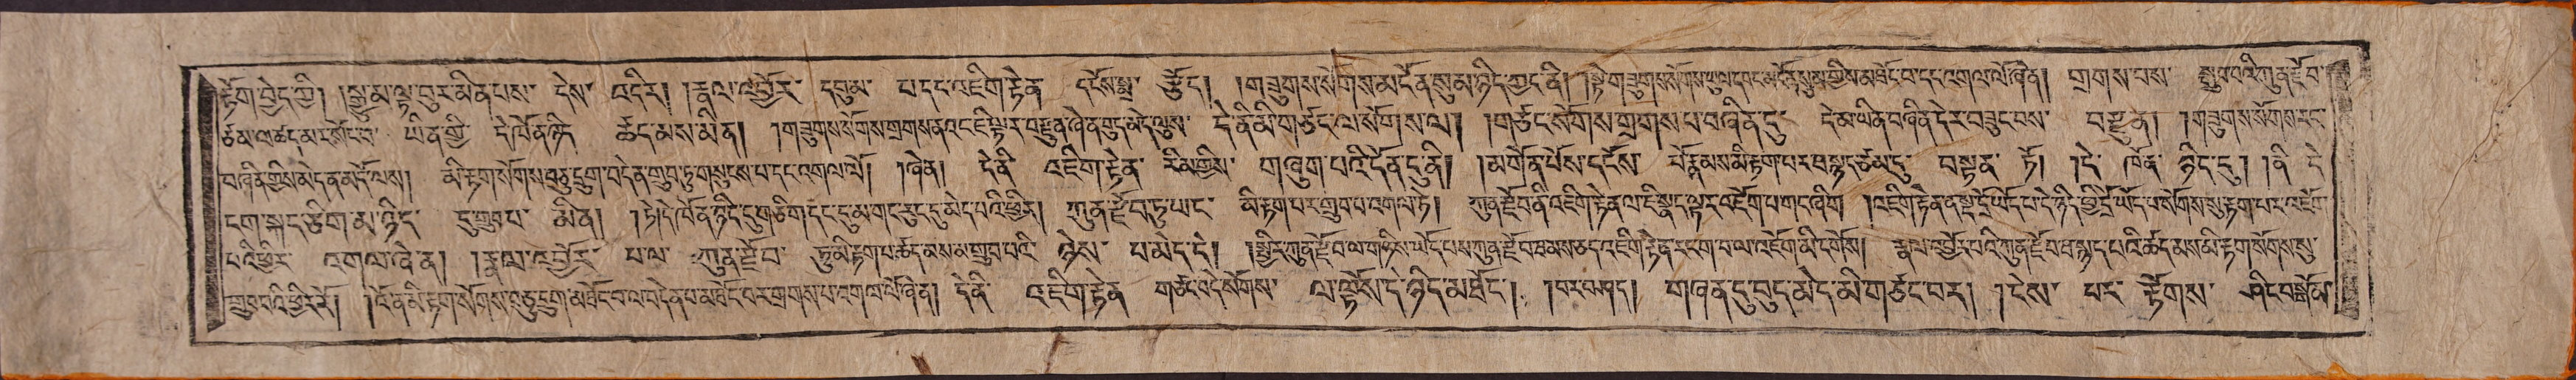རྟོག་བྱེད་ཀྱི། །སྒྱུ་མ་ལྟ་བུར་མིན་པས་དེས་འདིར། །རྣལ་འབྱོར་དབུ་མ་པ་དང་འཇིག་རྟེན་དངོས་སྨྲ་རྩོད། །གཟུགས་སོགས་མངོན་སུམ་ཉིད་ཀྱང་ནི། །སྟེ་གཟུགས་སོགས་ཡུལ་དབང་མངོན་སུམ་གྱིས་མཐོང་བ་དང་འགལ་ལོ་ཞན།  གྲགས་པས་སྒྲུབ་པའི་ཀུན་རྫོབ་
ཙམ་ལ་ཚད་མར་སོང་བ་ཡིན་གྱི་དེ་ཁོ་ན་ཉིད་ཚད་མས་མིན། །གཟུགས་སོགས་གྲགས་ནའང་ཇི་ལྟར་བརྫུན་ཞེ་ན་བུད་མེད་ལུས་དེ་ནི་མི་གཙང་ལ་སོགས་ལ། །གཙང་སོགས་གྲགས་པ་བཞིན་དུ་དེ་མ་ཡིན་བཞིན་དེར་བཟུང་བས་བརྫུན། །གཟུགས་སོགས་རང་
བཞིན་གྱིས་མེད་ན་མདོ་ལས། མི་རྟག་སོགས་བཅུ་དྲུག་བདེན་གྲུབ་ཏུ་གསུངས་པ་དང་འགལ་ལོ། །ཞེ་ན། དེ་ནི་འཇིག་རྟེན་རིམ་གྱིས་གཞུག་པའི་དོན་དུ་ནི། །མགོན་པོས་དངོས་པོ་རྣམས་མི་རྟག་པར་ཐ་སྙད་ཙམ་དུ་བསྟན་ཏོ།  །དེ་ཁོ་ན་ཉིད་དུ། །ནི་དེ་
དག་སྐད་ཅིག་མ་ཉིད་དུ་གྲུབ་པ་མིན། །ཏེ། དེ་ཁོ་ན་ཉིད་དུ་གཅིག་དང་དུ་མ་གང་རུང་དུ་མེད་པའི་ཕྱིར།  ཀུན་རྫོབ་ཏུ་ཡང་མི་རྟག་པར་གྲུབ་པ་འགལ་ཏེ། ཀུན་རྫོབ་ནི་འཇིག་རྟེན་ལ་ཇི་སྣང་ལྟར་འཇོག་པ་གང་ཞིག །འཇིག་རྟེན་ན་སྔ་དྲོ་ཡོད་པ་དེ་ཉིད་ཕྱི་དྲོ་ཡོད་པ་སོགས་སུ་རྟག་པར་འཇོག་
པའི་ཕྱིར་འགལ་ཞེ་ན། །རྣལ་འབྱོར་པ་ལ་ཀུན་རྫོབ་ཏུ་མི་རྟག་པ་ཚད་མས་མ་གྲུབ་པའི་ཉེས་བ་མེད་ད། །སྤྱིར་ཀུན་རྫོབ་ལ་གཉིས་ཡོད་པས་ཀུན་རྫོབ་ཐམས་ཅད་འཇིག་རྟེན་རང་ག་བ་ལ་འཇོག་མི་དགོས། རྣལ་འབྱོར་པའི་ཀུན་རྫོབ་ཐ་སྙད་པའི་ཚད་མས་མི་རྟག་སོགས་སུ་
གྲུབ་པའི་ཕྱིར་རོ། །འོ་ན་མི་རྟག་སོགས་བཅུ་དྲུག་མཐོང་བ་ལ་བདེན་པ་མཐོང་བར་གྲགས་པ་འགལ་ལོ་ཞེ་ན། དེ་ནི་འཇིག་རྟེན་གཙོང་བདེ་སོགས་ལ་ལྟོས་དེ་ཉིད་མཐོང་། །བར་བཤད།  གཞན་དུ་བུད་མེད་མི་གཙང་བར། །ངེས་པར་རྟོགས་ཤིང་བསྒོམ